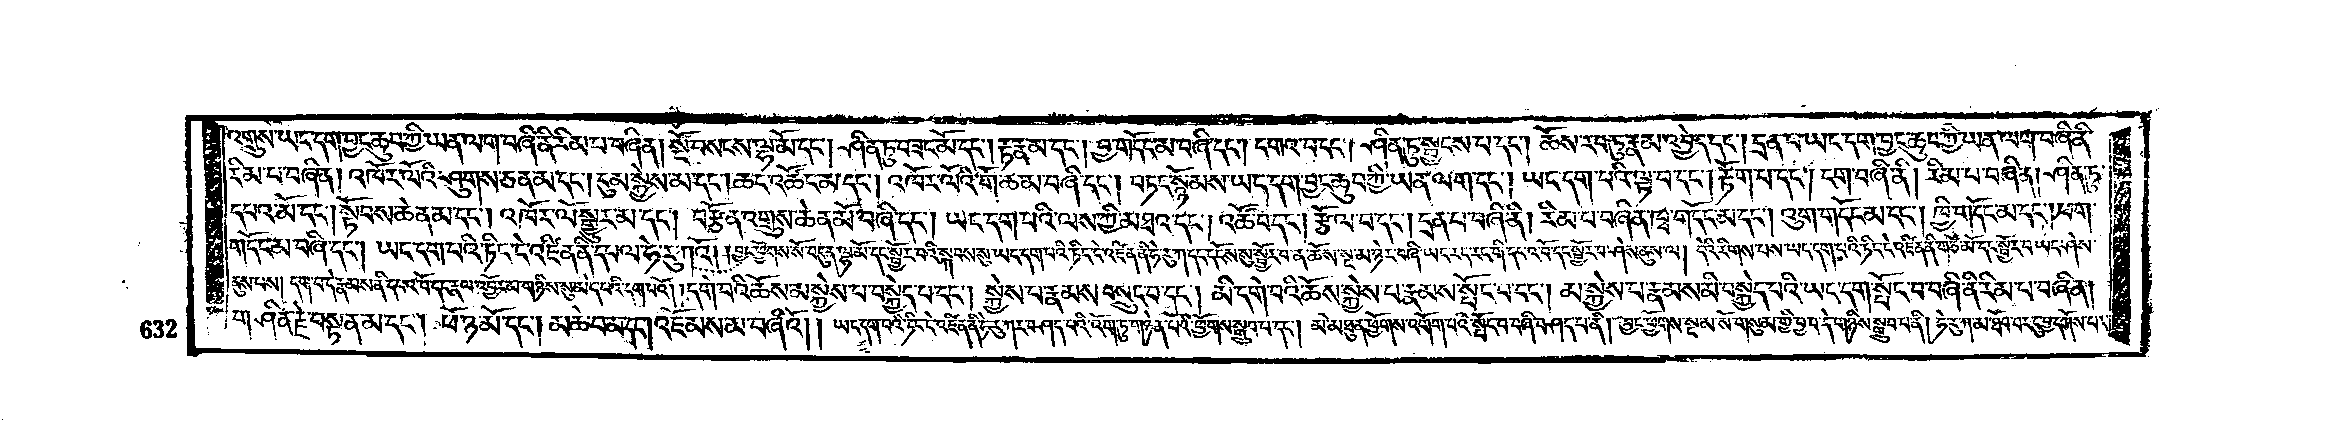འགྲུས་ཡང་དག་བྱང་ཆུབ་ཀྱི་ཡན་ལག་བཞི་ནི་རིམ་པ་བཞིན། སྔོ་བསངས་ལྷ་མོ་དང་། ཤིན་ཏུ་བཟང་མོ་དང་། རྟ་རྣམ་དང་། བྱ་གདོང་མ་བཞི་དང་། དགའ་བ་དང་། ཤིན་ཏུ་སྦྱངས་པ་དང་། ཆོས་རབ་ཏུ་རྣམ་འབྱེད་དང་། དྲན་པ་ཡང་དག་བྱང་ཆུབ་ཀྱི་ཡན་ལག་བཞི་ནི་
རིམ་པ་བཞིན། འཁོར་ལོའི་ཤུགས་ཅན་མ་དང་། དུམ་སྐྱེས་མ་དང་། ཆང་འཚོང་མ་དང་། འཁོར་ལོའི་གོ་ཆ་མ་བཞི་དང་། བཏང་སྙོམས་ཡང་དག་བྱང་ཆུབ་ཀྱི་ཡན་ལག་དང་། ཡང་དག་པའི་ལྟ་བ་དང་། རྟོག་པ་དང་། ངག་བཞི་ནི། རིམ་པ་བཞིན། ཤིན་ཏུ་
དཔའ་མོ་དང་། སྟོབས་ཆེན་མ་དང་། འཁོར་ལོ་སྒྱུར་མ་དང་། བརྩོན་འགྲུས་ཆེན་མོ་བཞི་དང་། ཡང་དག་པའི་ལས་ཀྱི་མཐའ་དང་། འཚོ་བ་དང་། རྩོལ་བ་དང་། དྲན་པ་བཞི་ནི། རིམ་པ་བཞིན་ཁྭ་གདོང་མ་དང་། འུག་གདོང་མ་དང་། ཁྱི་གདོང་མ་དང་། ཕག་
གདོང་མ་བཞི་དང་། ཡང་དག་པའི་ཏིང་ངེ་འཛིན་ནི་དཔལ་ཧེ་རུ་ཀའོ། །བྱང་ཕྱོགས་སོ་བདུན་ལྷ་མོ་དང་སྦྱོར་བའི་སྐབས་སུ་ཡང་དག་པའི་ཏིང་ངེ་འཛིན་ནི་ཧེ་རུ་ཀ་དང་དངོས་སུ་སྦྱོར་བ་ན་ཆོས་སྔ་མ་ཉེར་བཞི་ཡང་རང་རང་གི་དཔའ་བོ་དང་སྦྱོར་བ་ཤེས་ནུས་ལ། དེའི་རིགས་པས་ཡང་དག་པའི་ཏིང་ངེ་འཛིན་ནི་གཙོ་མོ་དང་སྦྱོར་བ་ཡང་ཤེས་
ནུས་པས། དག་པ་དེ་རྣམས་ནི་དཔའ་བོ་དང་རྣལ་འབྱོར་མ་གཉིས་སུ་མེད་པའི་དག་པའོ། །དགེ་བའི་ཆོས་མ་སྐྱེས་པ་བསྐྱེད་པ་དང་། སྐྱེས་པ་རྣམས་བསྲུང་བ་དང་། མི་དགེ་བའི་ཆོས་སྐྱེས་པ་རྣམས་སྡོང་བ་དང་། མ་སྐྱེས་པ་རྣམས་མི་བསྐྱེད་པའི་ཡང་དག་སྤོང་བ་བཞི་ནི་རིམ་པ་བཞིན།
གཤིན་རྗེ་བསྟན་མ་དང་། ཕོ་ཉ་མོ་དང་། མཆེ་བ་མ་དང་། འཇོམས་མ་བཞིའོ། །ཡང་དག་པའི་ཏིང་ངེ་འཛིན་ནི་ཧེ་རུ་ཀར་བཤད་པའི་འོག་ཏུ་གཉེན་པོའི་ཕྱོགས་སྒྲུབ་པ་དང་། མི་མཐུན་ཕྱོགས་འགོག་པའི་སྤོང་བ་བཞི་བཤད་པ་ནི། བྱང་ཕྱོགས་སྔ་མ་སོ་གསུམ་གྱི་བྱ་བ་དེ་གཉིས་སྒྲུབ་པ་ནི། ཧེ་རུ་ཀ་མ་ཐོབ་བར་དུ་བྱ་དགོས་པར་